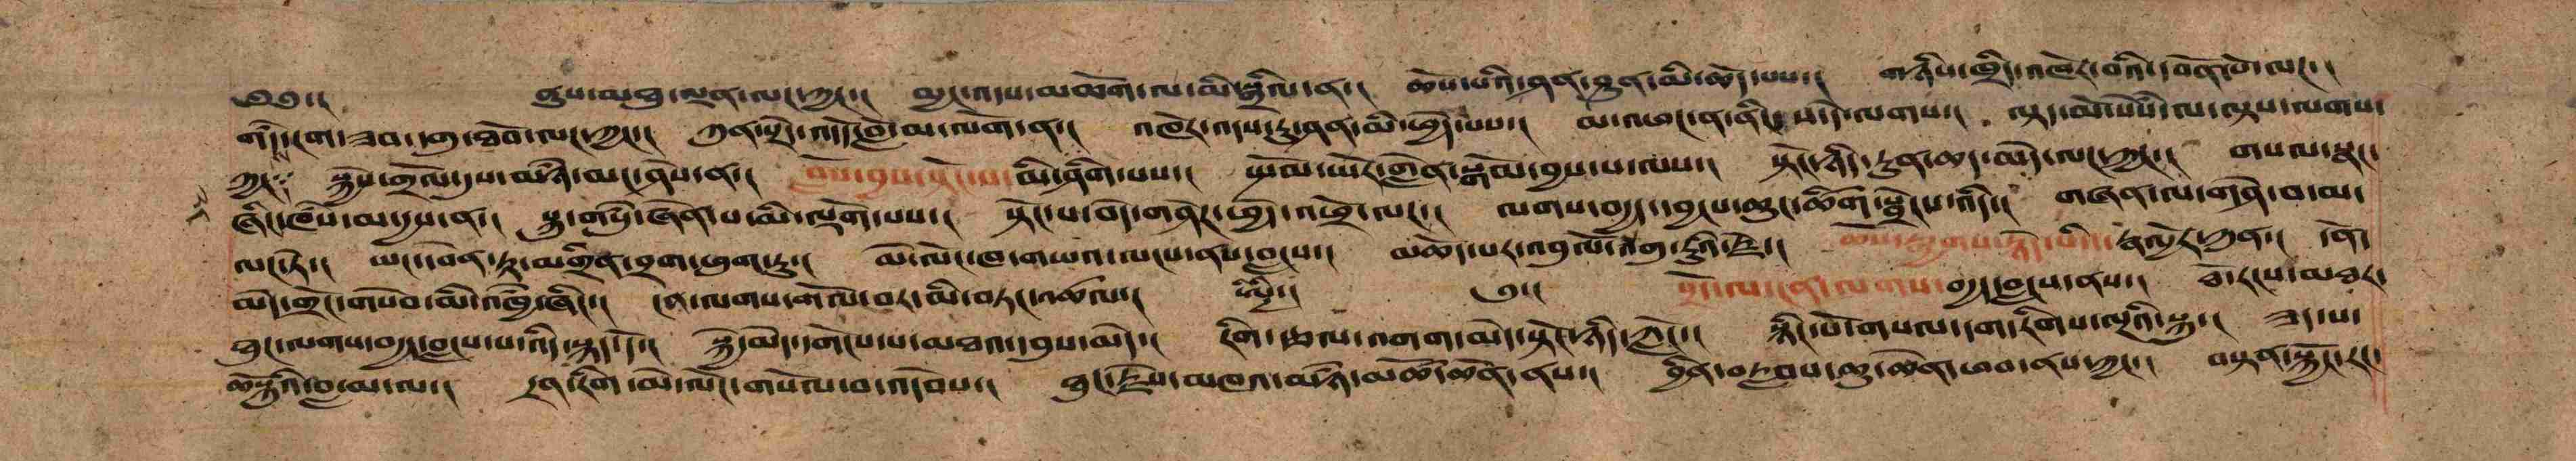ནུས་མཐུ་ལྡན་ལགས་ཀྱང་།། མྱང་འདས་མཆོག་ལ་མི་སྒྲིལ་ནས།། ཆོས་པའི་ཤན་ཤུན་མི་ཆོད་པས།། གཉིས་ཁྲིད་འཁོར་བའི་དབོན་པོ་ལགས།། 
གདམས་ངག་ཟབ་མོ་དགུ་ཐོབ་ཀྱང་།། ཀུན་སྲེད་འདོད་བློ་མ་ལོག་ན།། འཁོར་འདས་རུ་ཤན་མི་ཕྱེད་པས།། མ་འཕགས་ན་ནི་ས་དེ་ལགས།། ལྟད་མོ་སེམས་ལ་བལྟས་ལགས་
ཀྱང་།། སྐྱེས་གྲོལ་དུས་མཉམ་མ་ཤེས་ན།། བློས་བྱས་སྟོང་པ་མི་ཤིག་པས།། སྤོམ་ཡོར་གླེན་སྒོམ་བྱས་པ་ལས།། སྟོང་ཉིད་རྒྱུན་ཆད་མེད་ལགས་ཀྱང་།། གསལ་སྣང་
ཞིང་ཁམས་མ་རྒྱས་ན།། སྐུ་གསུམ་ཞེན་པོ་མི་ལྡོག་པས།། སྟོང་པ་བདེ་གཤེགས་ཕྱོད་འཕྲོ་ལགས།། ལགས་བརྒྱད་དབྱངས་ཆུང་ཚིག་སྦྲེངས་འདི།། གཞན་ལ་གཤེ་བ་མ་
ལགས་ཏེ།། ཡང་དབེན་རྟ་མགྲིན་བྲག་ཕུག་ཏུ།། མེ་ལོང་ཁ་གཡའ་ལངས་ནས་བླངས།། མཆོད་པར་འབུལ་ལོ་འགུ་རུ་རྗེ།། ཆོས་རྒྱགས་རྙེད་པའི་རྣལ་འབྱོར་ཀུན།། དོན་
མེད་གྲོང་གསེབ་མི་འཁྱམ་ཞིང་།། ངན་ལགས་གོལ་བར་མི་བཏང་འཚལ།། ཨིཊི།། ༄་། སྲོད་ལ་ངན་ལགས་བརྒྱད་བླངས་ནས།། ཐོ་རངས་མཐར་
ཐུག་ལགས་བརྒྱད་བླངས་པ་འདི་སྐད་དོ།། སྐྱེ་མེད་དགོངས་པ་མཐའ་དབུས་མེད།། རིག་རྩལ་འགག་མེད་སྟོང་ཉིད་ཀློང་།། སྙིང་པོ་གསལ་དག་རིགས་ལྔའི་སྐུ། ཟད་པ་
ཆོས་སྐུའི་བླ་མ་ལ།། དྲན་རིག་མེ་ལོང་གསོལ་བ་འདེབས།། ཐུགས་རྗེས་མཁའ་མཉམ་མཚོ་ཆེན་ནས།། བྱིན་རླབས་ཆུ་ཆེན་ཕབ་ནས་ཀྱང་།། བསྟན་སྐྱོང་རང་